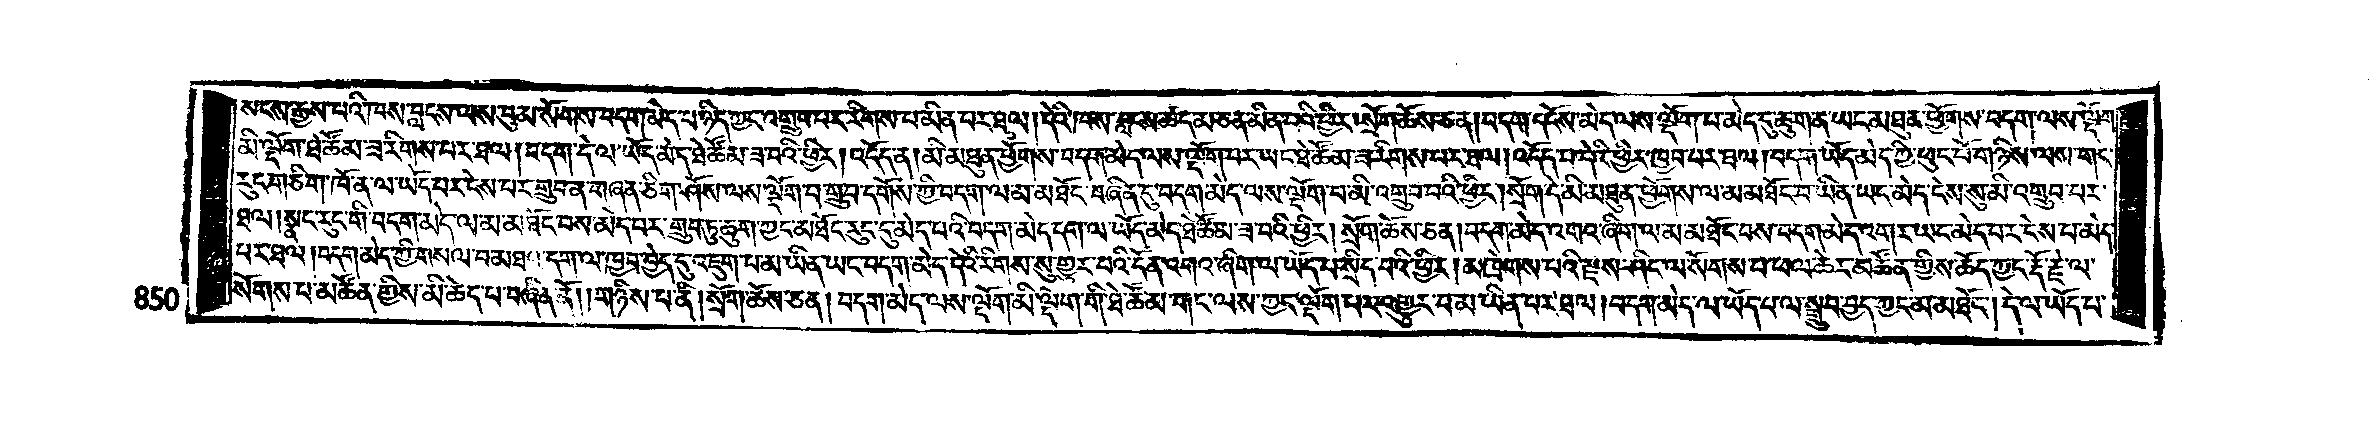སངས་རྒྱས་པའི་ཁས་བླངས་ལས་བུམ་སོགས་བདག་མེད་པ་ཉིད་ཀྱང་འགྲུབ་པར་རིགས་པ་མིན་པར་ཐལ། དེའི་ཁས་བླངས་ཚད་མ་ཅན་མིན་པའི་ཕྱིར། སྲོག་ཆོས་ཅན། བདག་དངོས་མེད་ལས་ལྡོག་པ་མེད་དུ་ཆུ་ག་ན་ཡང་མཐུན་ཕྱོགས་བདག་ལས་ལྡོག་
མི་ལྡོག་ཐེ་ཚོམ་ཟ་རིགས་པར་ཐལ། བདག་དེ་ལ་ཡོད་མེད་ཐེ་ཚོམ་ཟ་བའི་ཕྱིར། འདོད་ན། མི་མཐུན་ཕྱོགས་བདག་མེད་ལས་ལྡོག་པར་ཡང་ཐེ་ཚོམ་ཟ་རིགས་པར་ཐལ། འདོད་པ་དེའི་ཕྱིར་ཁྱབ་པར་ཐལ། བདག་ཡོད་མེད་ཀྱི་ཕུང་པོ་གཉིས་ལས་གང་
རུང་གཅིག་ཁོ་ན་ལ་ཡོད་པར་ངེས་པར་གྲུབ་ན་གཞན་ཅིག་ཤོས་ལས་ལྡོག་པ་གྲུབ་དགོས་ཀྱི་བདག་ལ་མ་མཐོང་བཞིན་དུ་བདག་མེད་ལས་ལྡོག་པ་མི་འགྲུབ་པའི་ཕྱིར། སྲོག་དེ་མི་མཐུན་ཕྱོགས་ལ་མ་མཐོང་བ་ཡིན་ཡང་མེད་ངེས་སུ་མི་འགྲུབ་པར་
ཐལ། སྣང་རུང་གི་བདག་མེད་ལ་མ་མཐོང་བས་མེད་པར་གྲུབ་ཏུ་ཆུག་ཀྱང་མཐོང་རུང་དུ་མེད་པའི་བདག་མེད་དག་ལ་ཡོད་མེད་ཐེ་ཚོམ་ཟ་བའི་ཕྱིར། སྲོག་ཆོས་ཅན། བདག་མེད་འགའ་ཞིག་ལ་མ་མཐོང་བས་བདག་མེད་འགར་ཡང་མེད་པར་ངེས་པ་མེད་
པར་ཐལ། བདག་མེད་ཀྱི་གསལ་བ་མཐའ་དག་ལ་ཁྱབ་བྱེད་དུ་འཇུག་པ་མ་ཡིན་ཡང་བདག་མེད་དེའི་རིགས་སུ་གྱུར་པའི་དོན་འགའ་ཞིག་ལ་ཡོད་པ་སྲིད་པའི་ཕྱིར། མཁྲེགས་པའི་རྫས་ཤིང་ལ་སོགས་པ་ཕལ་ཆེར་མཚོན་ཀྱིས་ཆོད་ཀྱང་རྡོ་རྗེ་ལ་
སོགས་པ་མཚོན་གྱིས་མི་ཆེད་པ་བཞིན་ནོ། །གཉིས་པ་ནི། སྲོག་ཆོས་ཅན། བདག་མེད་ལས་ལྡོག་མི་ལྡོག་གི་ཐེ་ཚོམ་གང་ལས་ཀྱང་ལྡོག་པར་འགྱུར་བ་མ་ཡིན་པར་ཐལ། བདག་མེད་ལ་ཡོད་པ་ལ་སྒྲུབ་བྱེད་ཀྱང་མ་མཐོང་། དེ་ལ་ཡོད་པ་